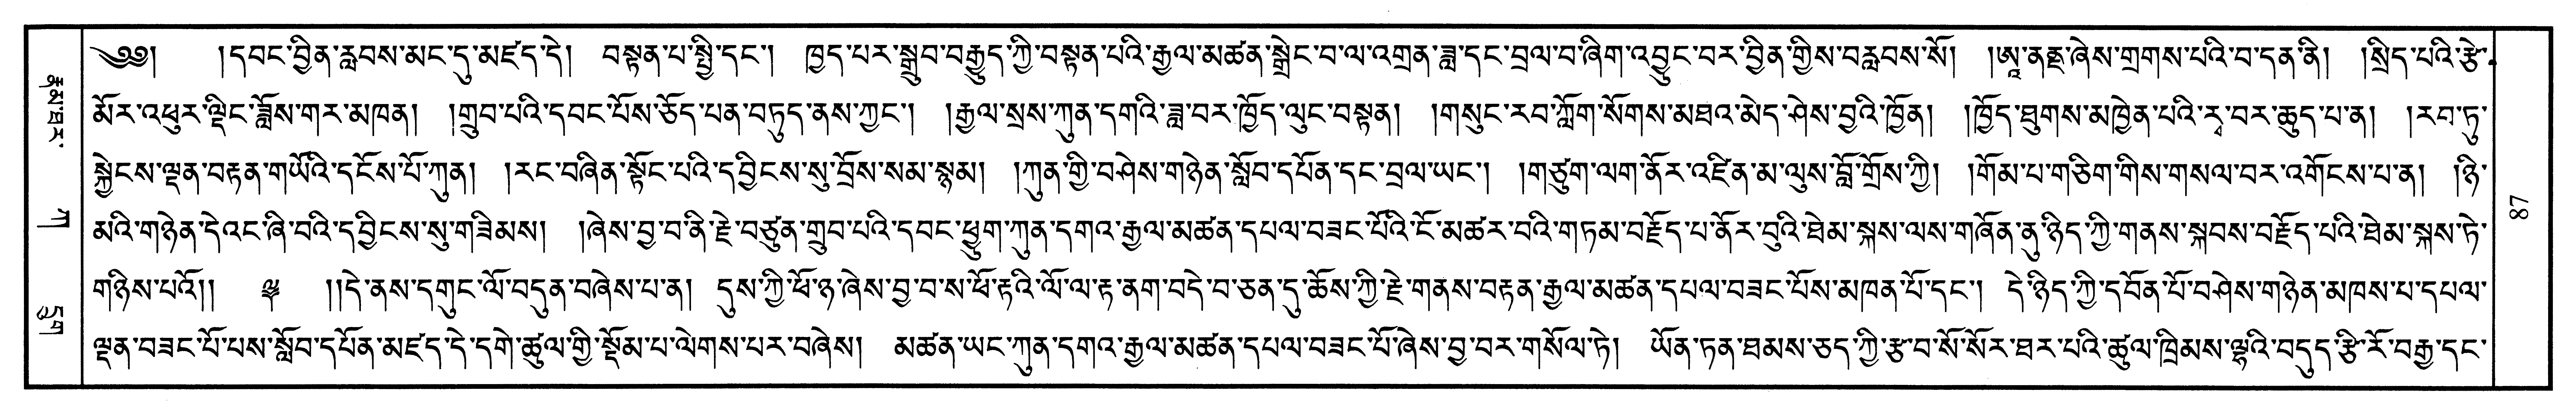༄༅། །དབང་བྱིན་རླབས་མང་དུ་མཛད་དེ། བསྟན་པ་སྤྱི་དང་། ཁྱད་པར་སྒྲུབ་བརྒྱུད་ཀྱི་བསྟན་པའི་རྒྱལ་མཚན་སྒྲེང་བ་ལ་འགྲན་ཟླ་དང་བྲལ་བ་ཞིག་འབྱུང་བར་བྱིན་གྱིས་བརླབས་སོ། །ཨཱ་ནནྡ་ཞེས་གྲགས་པའི་བ་དན་ནི། །སྲིད་པའི་རྩེ་
མོར་འཕུར་ལྡིང་ཟློས་གར་མཁན། །གྲུབ་པའི་དབང་པོས་ཅོད་པན་བཏུད་ནས་ཀྱང་། །རྒྱལ་སྲས་ཀུན་དགའི་ཟླ་བར་ཁྱོད་ལུང་བསྟན། །གསུང་རབ་ཀློག་སོགས་མཐའ་མེད་ཤེས་བྱའི་ཁྱོན། །ཁྱོད་ཐུགས་མཁྱེན་པའི་རྭ་བར་ཆུད་པ་ན། །རབ་ཏུ་
སྐྱེངས་ལྡན་བརྟན་གཡོའི་དངོས་པོ་ཀུན། །རང་བཞིན་སྟོང་པའི་དབྱིངས་སུ་བྲོས་སམ་སྙམ། །ཀུན་གྱི་བཤེས་གཉེན་སློབ་དཔོན་དང་བྲལ་ཡང་། །གཙུག་ལག་ནོར་འཛིན་མ་ལུས་བློ་གྲོས་ཀྱི། །གོམ་པ་གཅིག་གིས་གསལ་བར་འགོངས་པ་ན། །ཉི་
མའི་གཉེན་དེའང་ཞི་བའི་དབྱིངས་སུ་གཟིམས། །ཞེས་བྱ་བ་ནི་རྗེ་བཙུན་གྲུབ་པའི་དབང་ཕྱུག་ཀུན་དགའ་རྒྱལ་མཚན་དཔལ་བཟང་པོའི་ངོ་མཚར་བའི་གཏམ་བརྗོད་པ་ནོར་བུའི་ཐེམ་སྐས་ལས་གཞོན་ནུ་ཉིད་ཀྱི་གནས་སྐབས་བརྗོད་པའི་ཐེམ་སྐས་ཏེ་
གཉིས་པའོ།། ༈ །།དེ་ནས་དགུང་ལོ་བདུན་བཞེས་པ་ན། དུས་ཀྱི་ཕོ་ཉ་ཞེས་བྱ་བ་ས་ཕོ་རྟའི་ལོ་ལ་རྟ་ནག་བདེ་བ་ཅན་དུ་ཆོས་ཀྱི་རྗེ་གནས་བརྟན་རྒྱལ་མཚན་དཔལ་བཟང་པོས་མཁན་པོ་དང་། དེ་ཉིད་ཀྱི་དབོན་པོ་བཤེས་གཉེན་མཁས་པ་དཔལ་
ལྡན་བཟང་པོ་པས་སློབ་དཔོན་མཛད་དེ་དགེ་ཚུལ་གྱི་སྡོམ་པ་ལེགས་པར་བཞེས། མཚན་ཡང་ཀུན་དགའ་རྒྱལ་མཚན་དཔལ་བཟང་པོ་ཞེས་བྱ་བར་གསོལ་ཏེ། ཡོན་ཏན་ཐམས་ཅད་ཀྱི་རྩ་བ་སོ་སོར་ཐར་པའི་ཚུལ་ཁྲིམས་ལྷའི་བདུད་རྩི་རོ་བརྒྱ་དང་